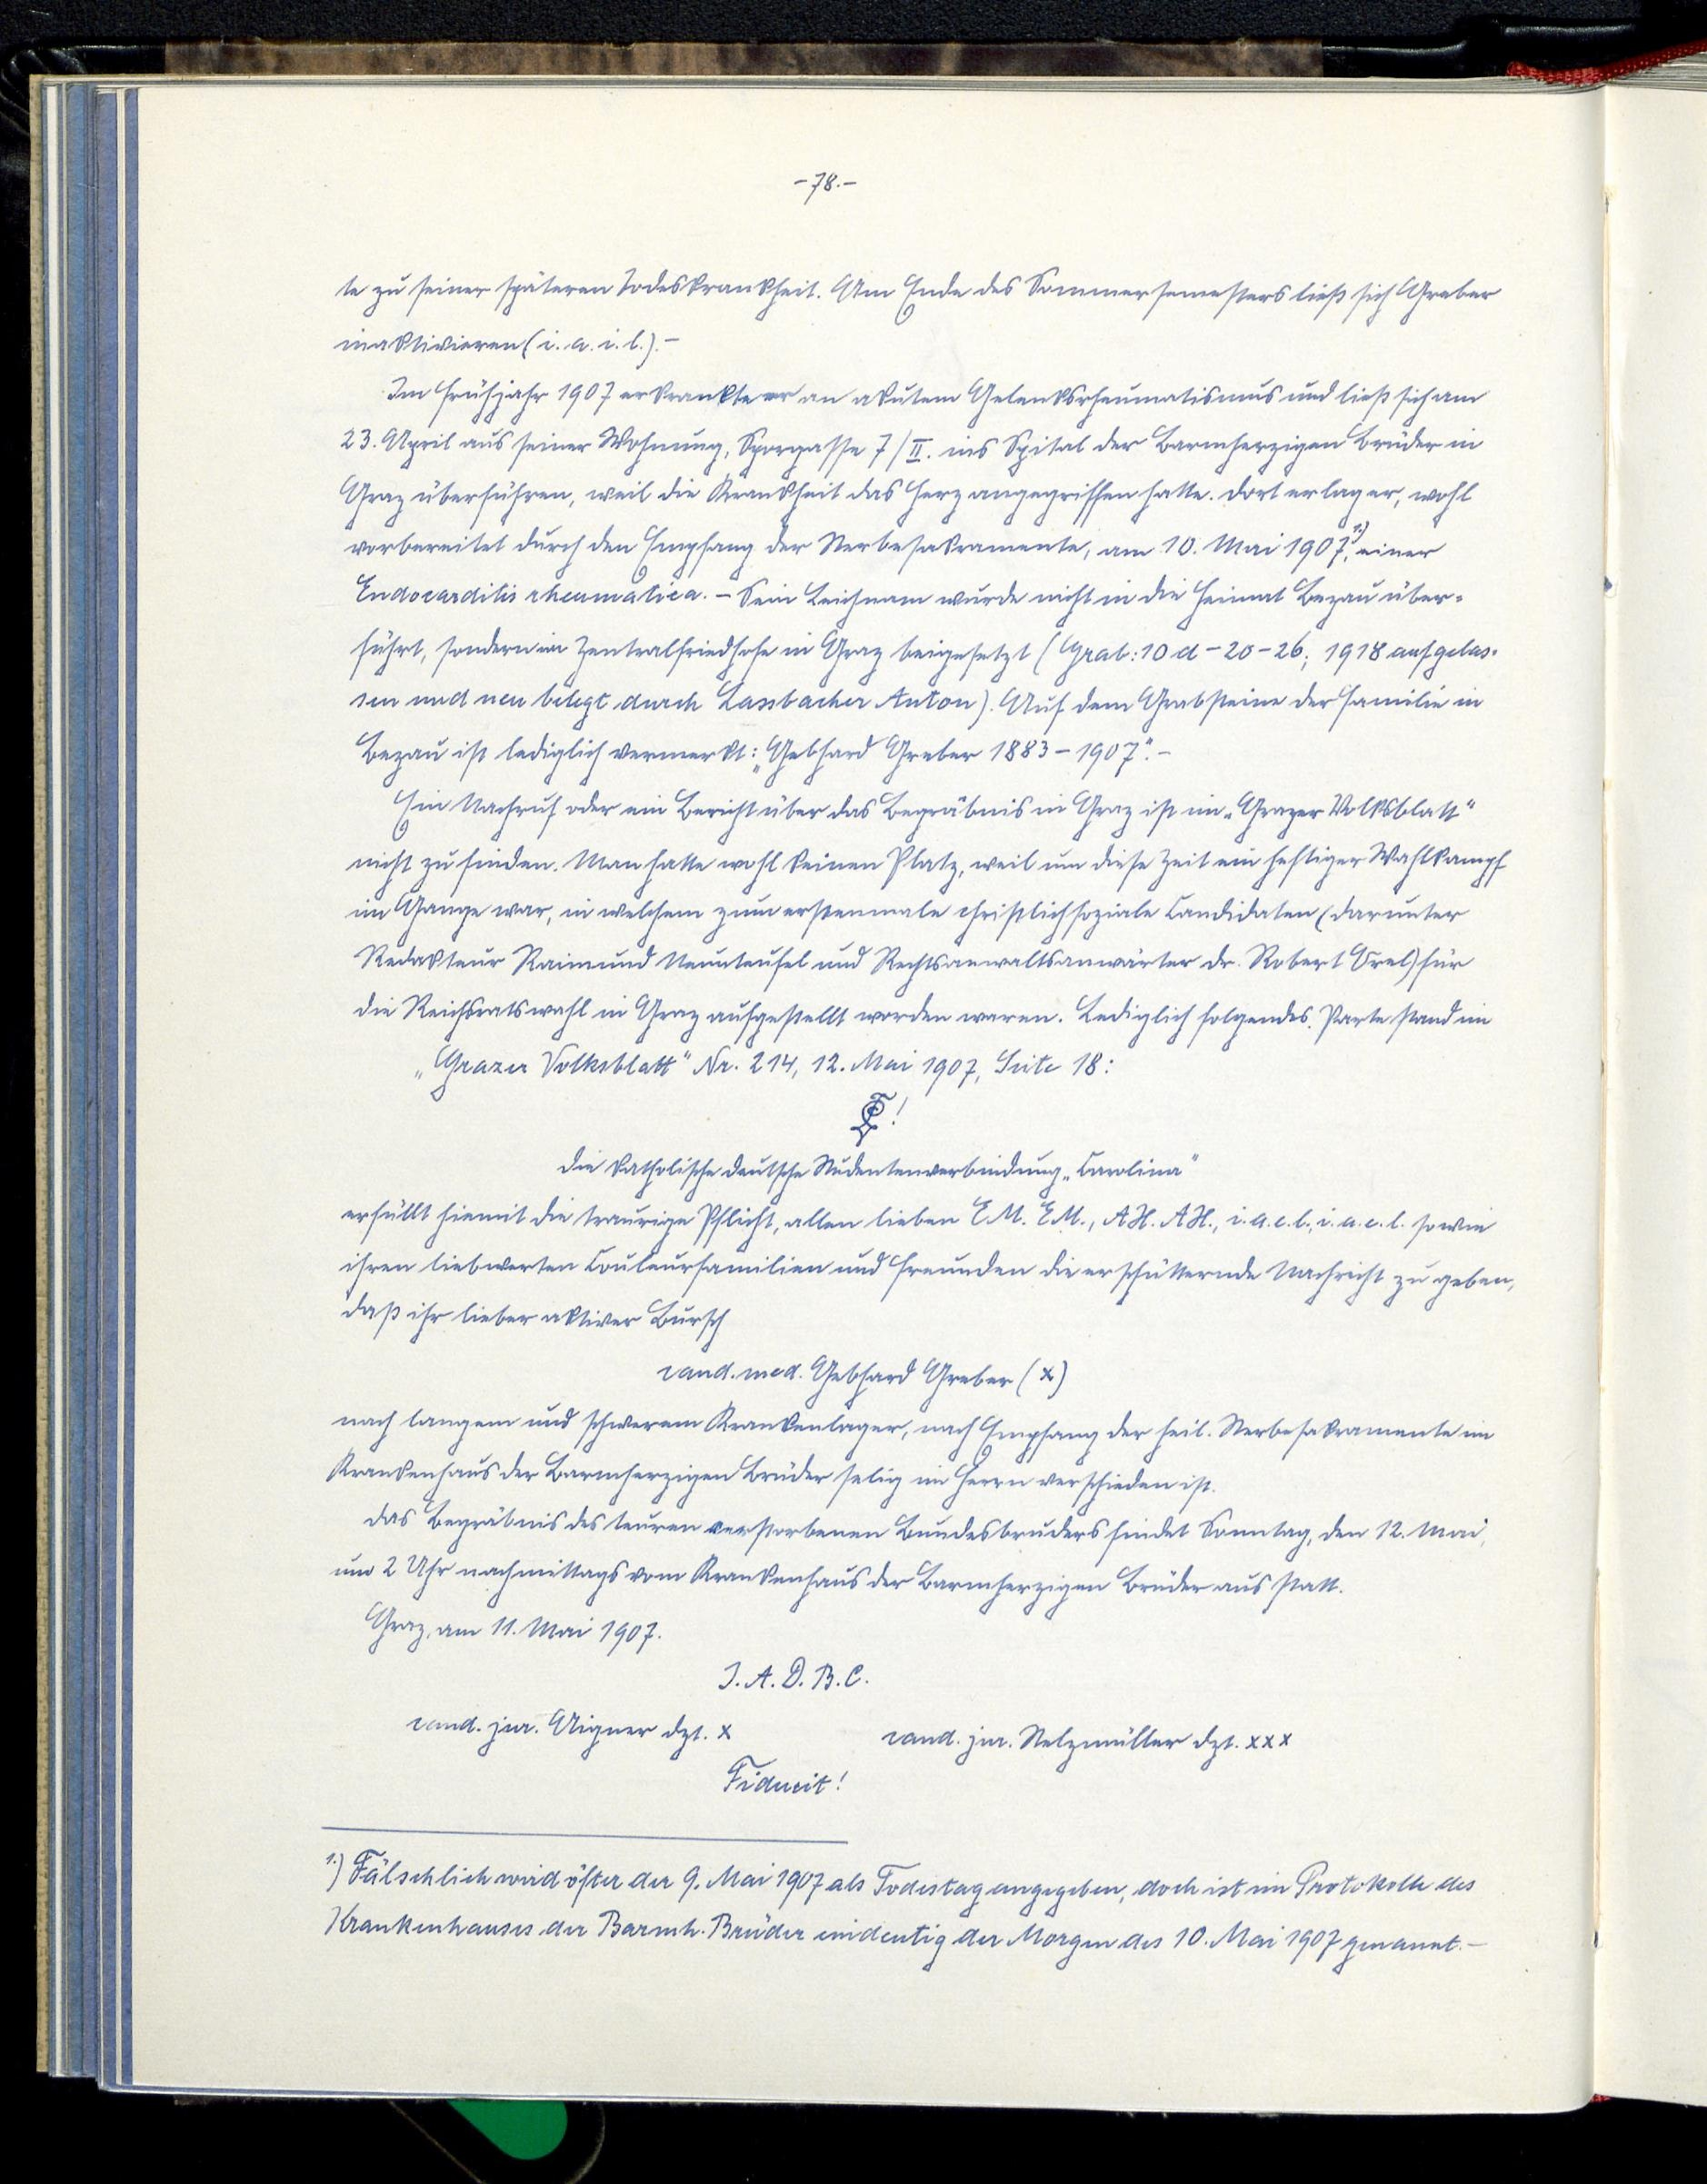78
te zu seiner späteren Todeskrankheit. Am Ende des Sommersemesters ließ sich Greber
inskribieren (i. a.i .l.).-
Im Frühjahr 1907 erkrankte er an akutem Gelenksrheumatismus und ließ sich am
23. April aus seiner Wohnung, Sporgasse 7/II. ins Spital der Barmherzigen Brüder in
Graz überführen, weil die Krankleit das Herz angegriffen hatte. Dort erlag er, wohl
vorbereitet durch den Epfang der Sterbesakramente, am 10. Mai 1907 1) einer
Endocarditis rheumatea. Sein Leichnan wurde nicht in die Heimat Bezau über-
führt, sondern im Zentralfriedhofe in Graz beigesetzt (Grab.10d-20-26, 1918 aufgelas-
sen und neu belegt durch Lassbacher Anton) Auf dem Grabsteine der Familie in
Bezau ist lediglich vermerkt:,„Gebhard Greber 1883- 1907)"
Ein Nachruf oder ein Bericht über das Begräbnis in Graz ist im "Grazer Volksblatt"
nicht zu finden. Man hatte wohl keinen Platz, weil um diese Zeit ein heftiger Wahlkampf
im Gange war, in welchem zum erstenmale christlichsoziale Candidaten (darunter
Redakteur Raimund Neunteufel und Rechtsanwaltsanwärter Dr. Robert Orel für
Die Reichsratswahl in Graz aufgestellt worden waren. Lediglich folgendes Parte stand im
"Grazer Volksblatt" Nr. 214, 12. Mai 1907, Seite 18:
CL!
Die katholische deutsche Studentenverbindung „Carolina“
erfüllt hiemit die traurige Pflicht, allen lieben EM EM,AH AH, i.a.c.l., i.a.c.l sowie Aet. A i.. e. l. i. . e.l. sowie
ihren liebwerten Couleurfamilien und Freunden die erschütternde Nachricht zu geben,
daß ihr lieber aktiver Bursch
cand. med. Gebhard Greber (x)
nach langen und schwerem Krankenlager, nach Empfang der heil. Sterbesakramente im
Krankenhaus der Barmherzigen Brüder selig im Herrn verschieden ist.
Das Begräbnis des teuren verstorbenen Bundesbruders findet Sonntag, den 12. Mai,
um 2 Uhr nachmitags vom Krankenhaus der Barmherzigen Brüder aus statt.
Graz. am 11. Mai 1907.
I. A. D. B. C.
cand. jur Aigner dzt. x
cand. jur Stelzmüller dzt. xxx
Fiducit!
1) Fälschlich wird öfter der 9. Mai 1907 als Todestag angegeben, doch ist im Protokolle des
Krankenhauses der Barmh. Brüder eindeutig der Morgen des 10. Mai 1907 genannt.